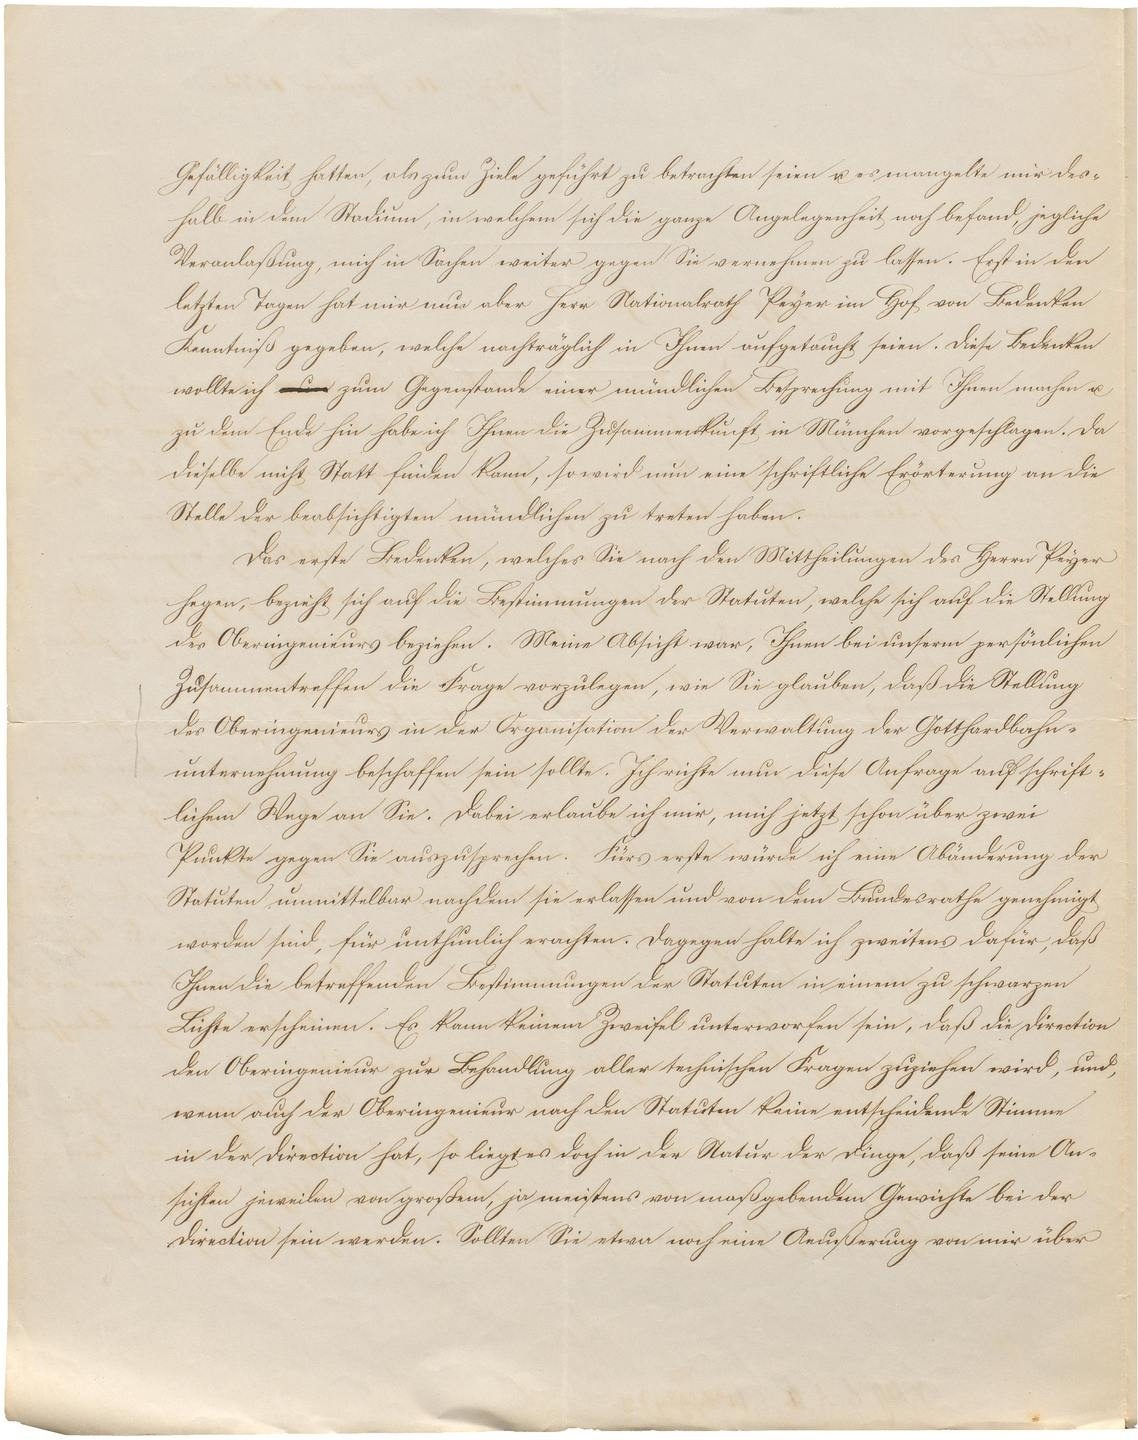Gefälligkeit hatten, als zum Ziele geführt zu betrachten seien & es mangelte mir des-
halb in dem Stadium, in welchem sich die ganze Angelegenheit noch befand, jegliche
Veranlaßung, mich in Sachen weiter gegen Sie vernehmen zu lassen. Erst in den
letzten Tagen hat mir nun aber Herr Nationalrath Peyer im Hof von Bedenken
Kenntniß gegeben, welche nachträglich in Ihnen aufgetaucht seien. Diese Bedenken
wollte ich nun zum Gegenstande einer mündlichen Besprechung mit Ihnen machen &
zu dem Ende hin habe ich Ihnen die Zusammenkunft in München vorgeschlagen. Da
Stelle der beabsichtigten mündlichen zu treten haben.
Das erste Bedenken, welches Sie nach den Mittheilungen des Herrn Peyer
hegen, bezieht sich auf die Bestimmungen der Statuten, welche sich auf die Stellung
des Oberingenieurs beziehen. Meine Absicht war, Ihnen bei unserm persönlichen
Zusammentreffen die Frage vorzulegen, wie Sie glauben, daß die Stellung
des Oberingenieurs in der Organisation der Verwaltung der Gotthardbahn-
unternehmung beschaffen sein sollte. Ich richte nun diese Anfrage auf schrift-
lichem Wege an Sie. Dabei erlaube ich mir, mich jetzt schon über zwei
Punkte gegen Sie auszusprechen. Fürs erste würde ich eine Abänderung der
Statuten unmittelbar nachdem sie erlassen und von dem Bundesrathe genehmigt
worden sind, für unthunlich erachten. Dagegen halte ich zweitens dafür, daß
Ihnen die betreffenden Bestimmungen der Statuen in einem zu schwarzen
Lichte erscheinen. Es kann keinem Zweifel unterworfen sein, daß die Direction
den Oberingenieur zur Behandlung aller technischen Fragen zuziehen wird, und,
wenn auch der Oberingenieur nach den Statuten keine entscheidende Stimme
in der Direction hat, so liegt es doch in der Natur der Dinge, daß seine An-
sichten jeweilen von großem, ja meistens von maßgebendem Gewichte bei der
Direction sein werden. Sollten Sie etwa noch eine Aeußerung von mir über